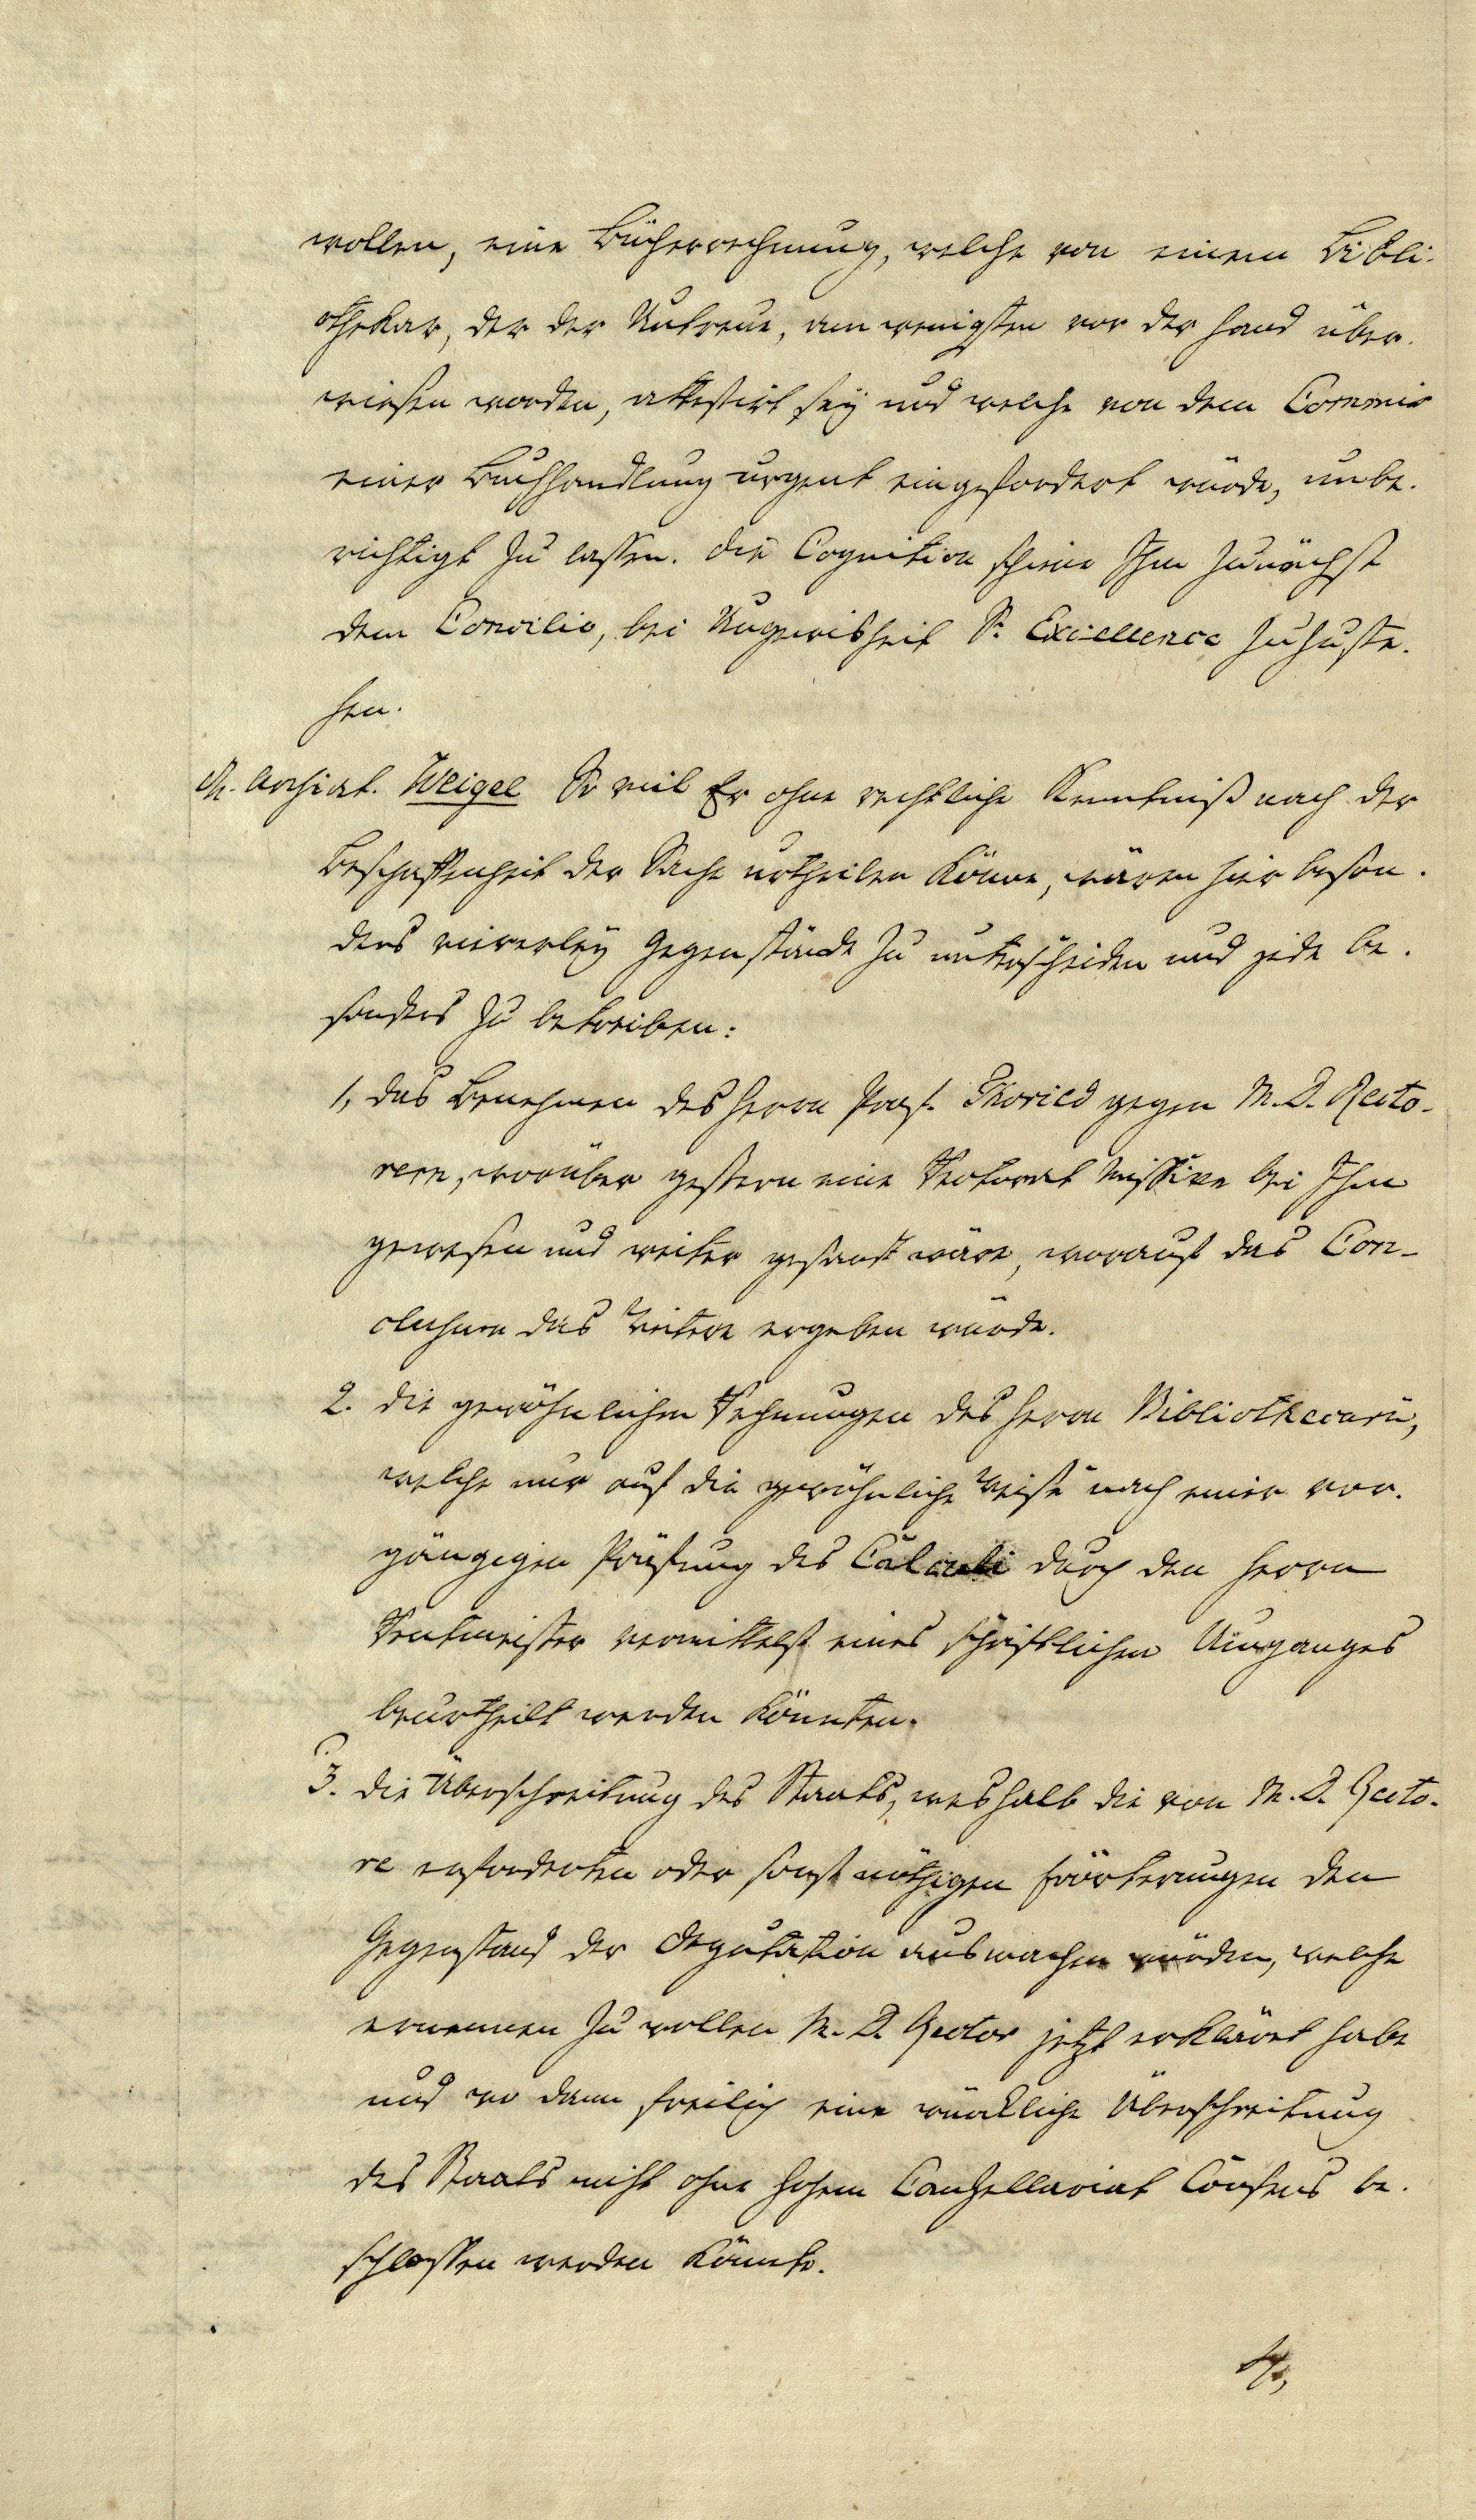wollen, eine Bücherrechnung, welche von einem Bibli¬
othekar, der der Untreue, am wenigsten vor der Hand über¬
wiesen worden, attestirt seÿ und welche von dem Commis
einer Buchandlung urgent eingefordert würde, unbe¬
richtigt zu lassen. die Cognition schiene Ihm zunächst
dem Concilio, bei Ungewisheit Sr. Excellence zuzuste¬
en.
dh. Archiat. Weigel So viel Er ohne rechtliche Kenntniß nach der
Beschaffenheit der Sache urtheilen könne, wären hier beson¬
ders viererleÿ Gegenstände zu unterscheiden und jede be¬
sonders zu betreiben:
1, das Benehmen des Herrn Prof. Thorild gegen M. D. Recto¬
rem, worüber gestern eine Rectorat Missive bei Ihm
gewesen und weiter gesandt wäre, worauf das Con¬
clusum das Weitere ergeben würde.
2. die gewöhnlichen Rechnungen des Herrn Bibliothecarii,
welche nur auf die gewöhnliche Weise nach einer vor¬
gängigen Prüfung des Calculi durch den Herrn
Rentmeister vermittelst eines schriftlichen Umganges
beurtheilt werden könnten.
3. die Überschreitung des Staats, weshalb die von M. D. Recto¬
re erforderten oder sonst nöthigen Erörterungen den
Gegenstand der Deputation ausmachen würden, welche
ernennen zu wollen M. D. Rector jetzt erkläret habe
und wo dann freilich eine würckliche Überschreitung
des Staats nicht ohne hohen Canzellariat Consens be¬
schlossen werden könnte.
4.